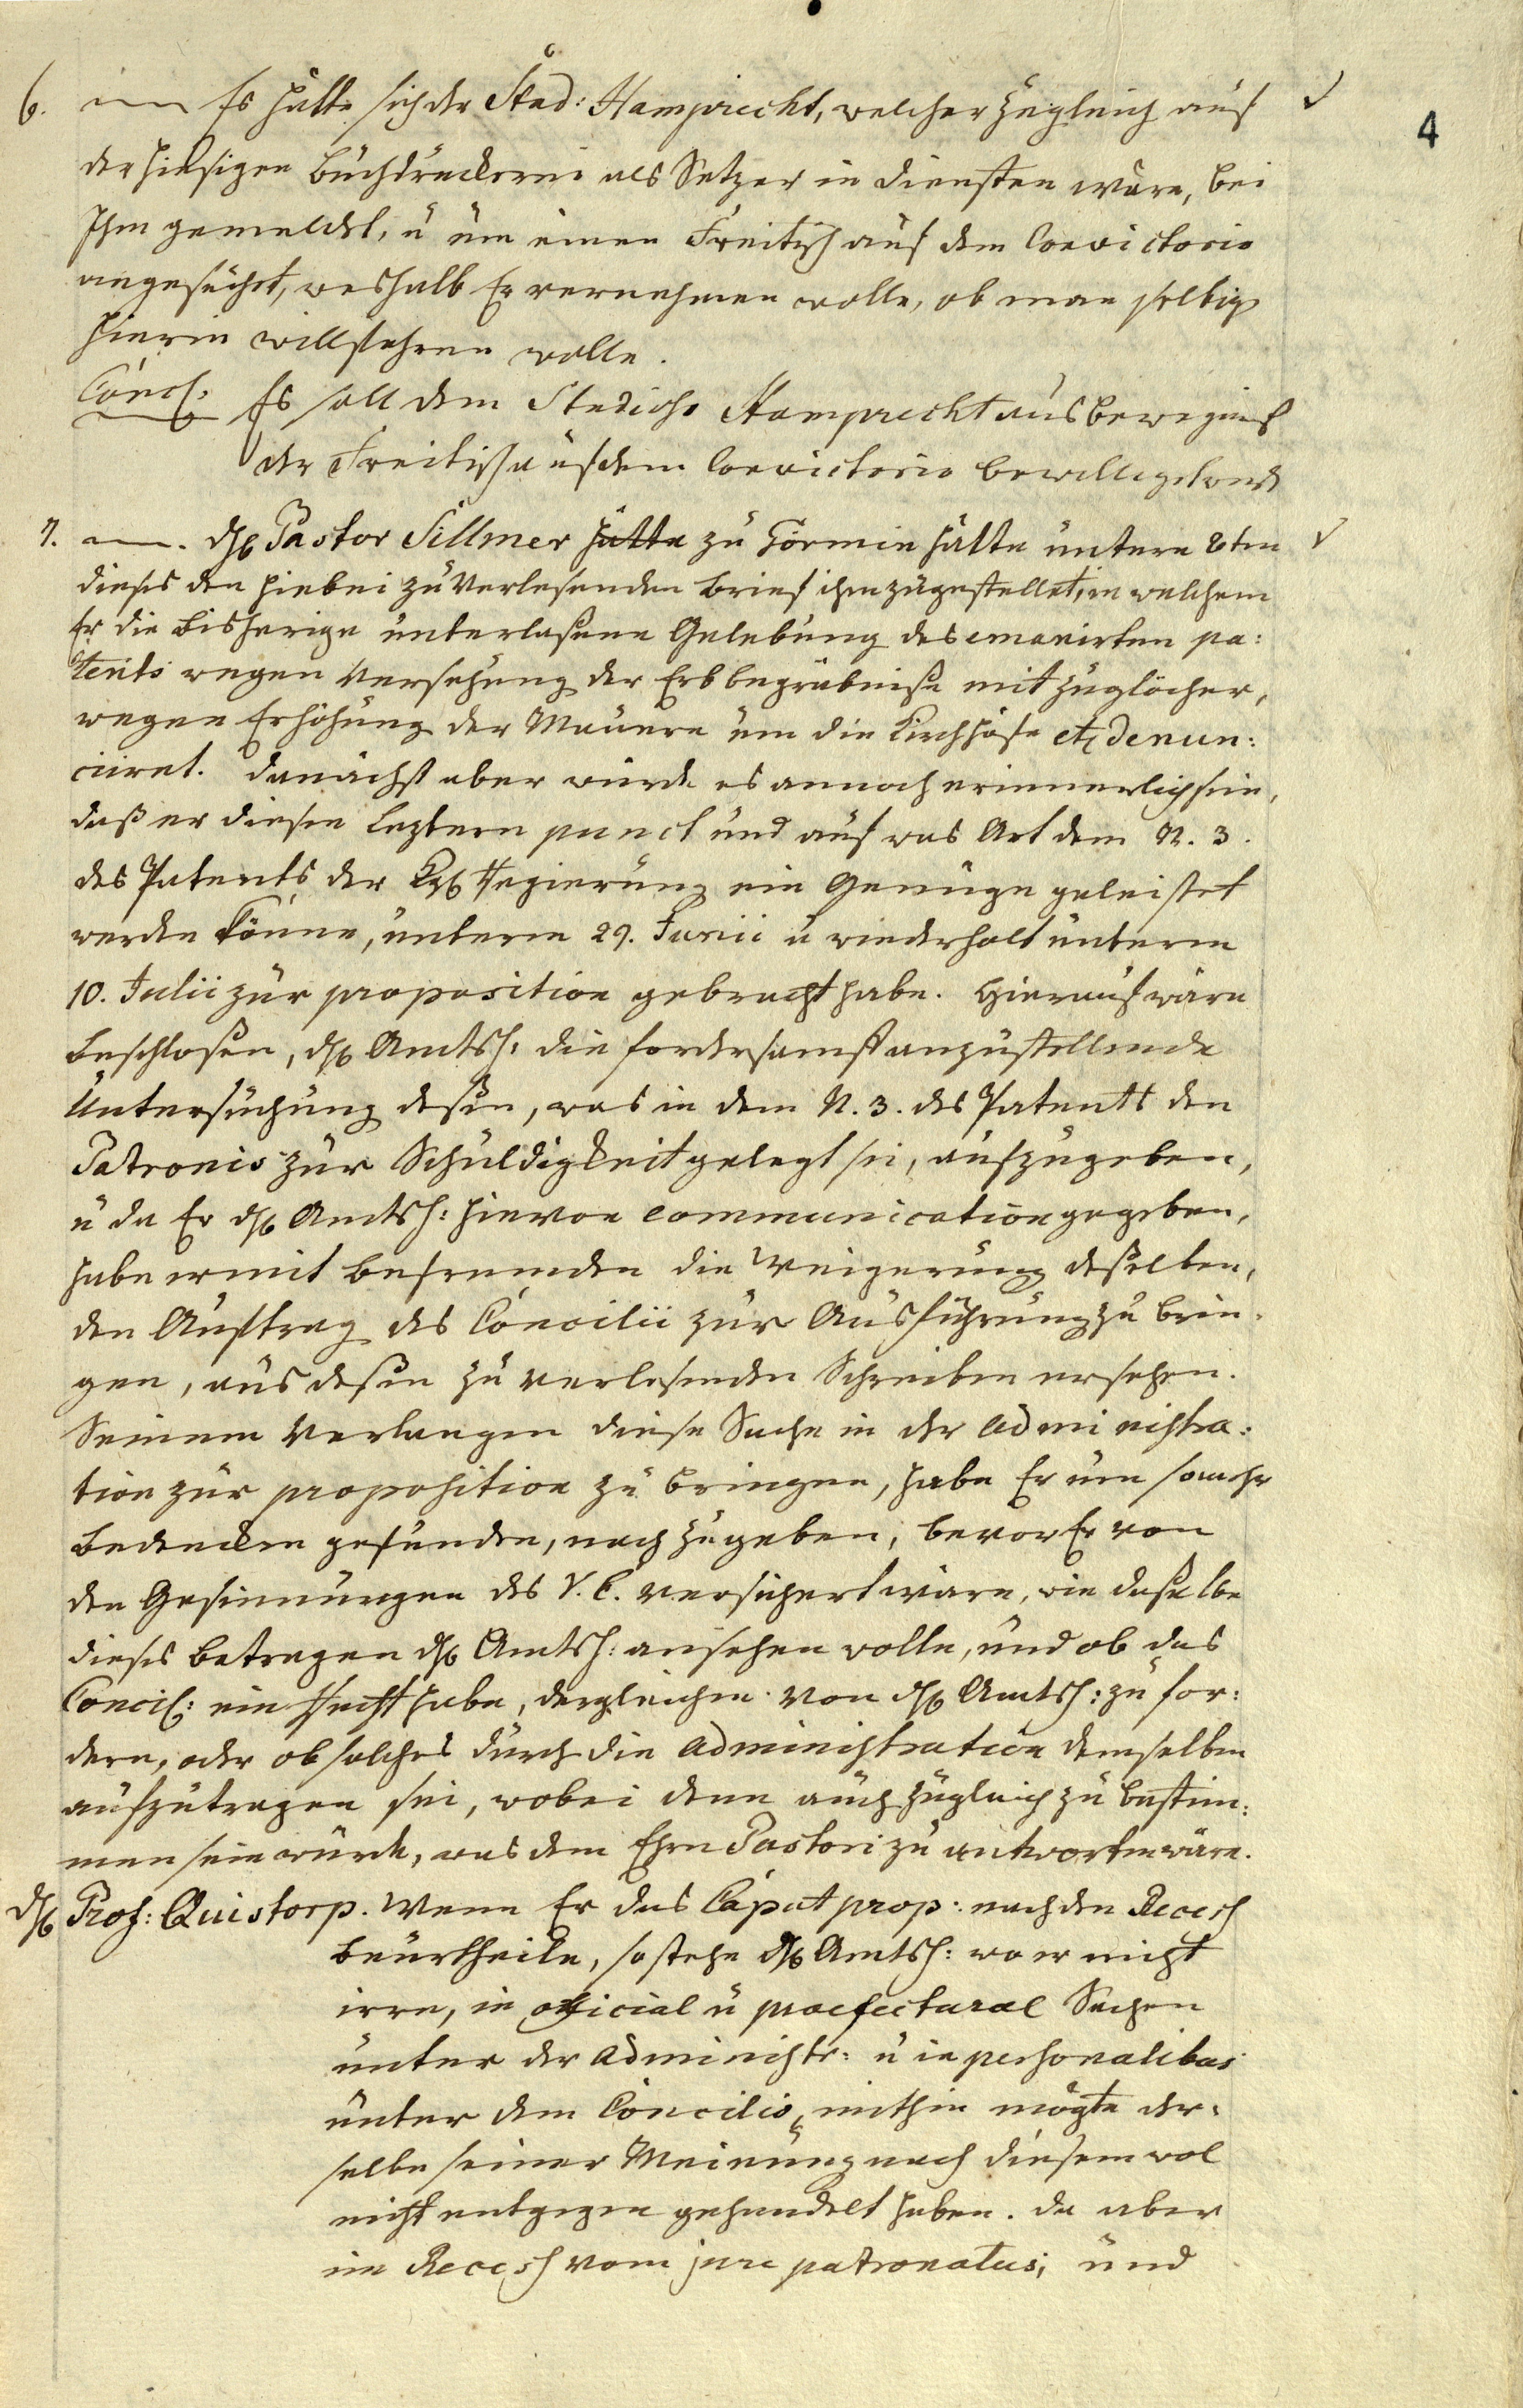6. Es hätte sich der Stud. Hamprecht, welcher zugleich auf
der hiesigen Buchdruckerei als Setzer in Diensten wäre, bei
Ihm gemeldet, u um einen Freitisch auf dem Convictorio
angesuchet, weshalb Er vernehmen wolle, ob man selbig
hierin willfahren wolle.
Concl. Es soll dem Studioso Hamprecht aus bewegniß
der Freitische auf dem Convictorio bewilliget werden
7. dh. Pastor Sillmer hätte zu Görmin hätte untern 8 ten
dieses den hiebei zuverlesenden Brief ihm zugestellet, in welchem
Er die bisherige unterlaßene Gelebung des emanirten pa¬
tents wegen Versehung der Erb begräbniße mit Zuglöcher,
wegen Erhöhung der Mauern um die Kirchhöfe et. denun¬
ciiret. Danächst aber würde es annoch erinnerlich sein,
daß er diesen leztern punct und auf wes Art dem N. 3
des Patents der Kgl. Regierung ein Genüge geleistet
werden könne, unterm 29. Junii u wiederholt unterm
10. Julii zur proposition gebracht habe. Hierauf wäre
beschloßen, dh. Amtsh. die fordersamst anzustellende
Untersuchung deßen, was in dem N. 3 des Patents den
Patronis zur Schuldigkeit gelegt sei, aufzugeben,
u da Er dh. Amtsh. hievon communication gegeben,
habe ermit Befremden die Weigerung deßelben,
den Auftrag des Concilii zur Ausführung zu brin¬
gen aus deßen zu verlesenden Schreiben ersehen.
Seinem Verlangen diese Sache in der Administra¬
tion zur proposition zu bringen, habe Er um somehr
Bedencken gefunden, nach zu geben, bevor Er von
den Gesinnungen des V. C. versichert wäre, wie daßelbe
dieses Betragen dh. Amtsh. ansehen wolle, und ob das
Concil. ein Recht habe, dergleichen von dh. Amtsh. zu for¬
dern, oder ob solches durch die Administration demselben
aufzutragen sei, wobei denn auch zugleich zu bestim¬
men sein würde, was dem Ehrn Pastori zu antworten wäre.
dh. Prof. Quistorp. Wenn Er das Caput prop. nach den Recess
beurtheile, so stehe dh. Amtsh. wo er nicht
irre, in official u praefectural Sachen
unter der Administr. u in personalibus
unter dem Concilio mithin mögte der¬
selbe seiner Meinung nach diesem wol
nicht entgegen gehandelt haben. Da aber
im Recess vom jure patronatus; und